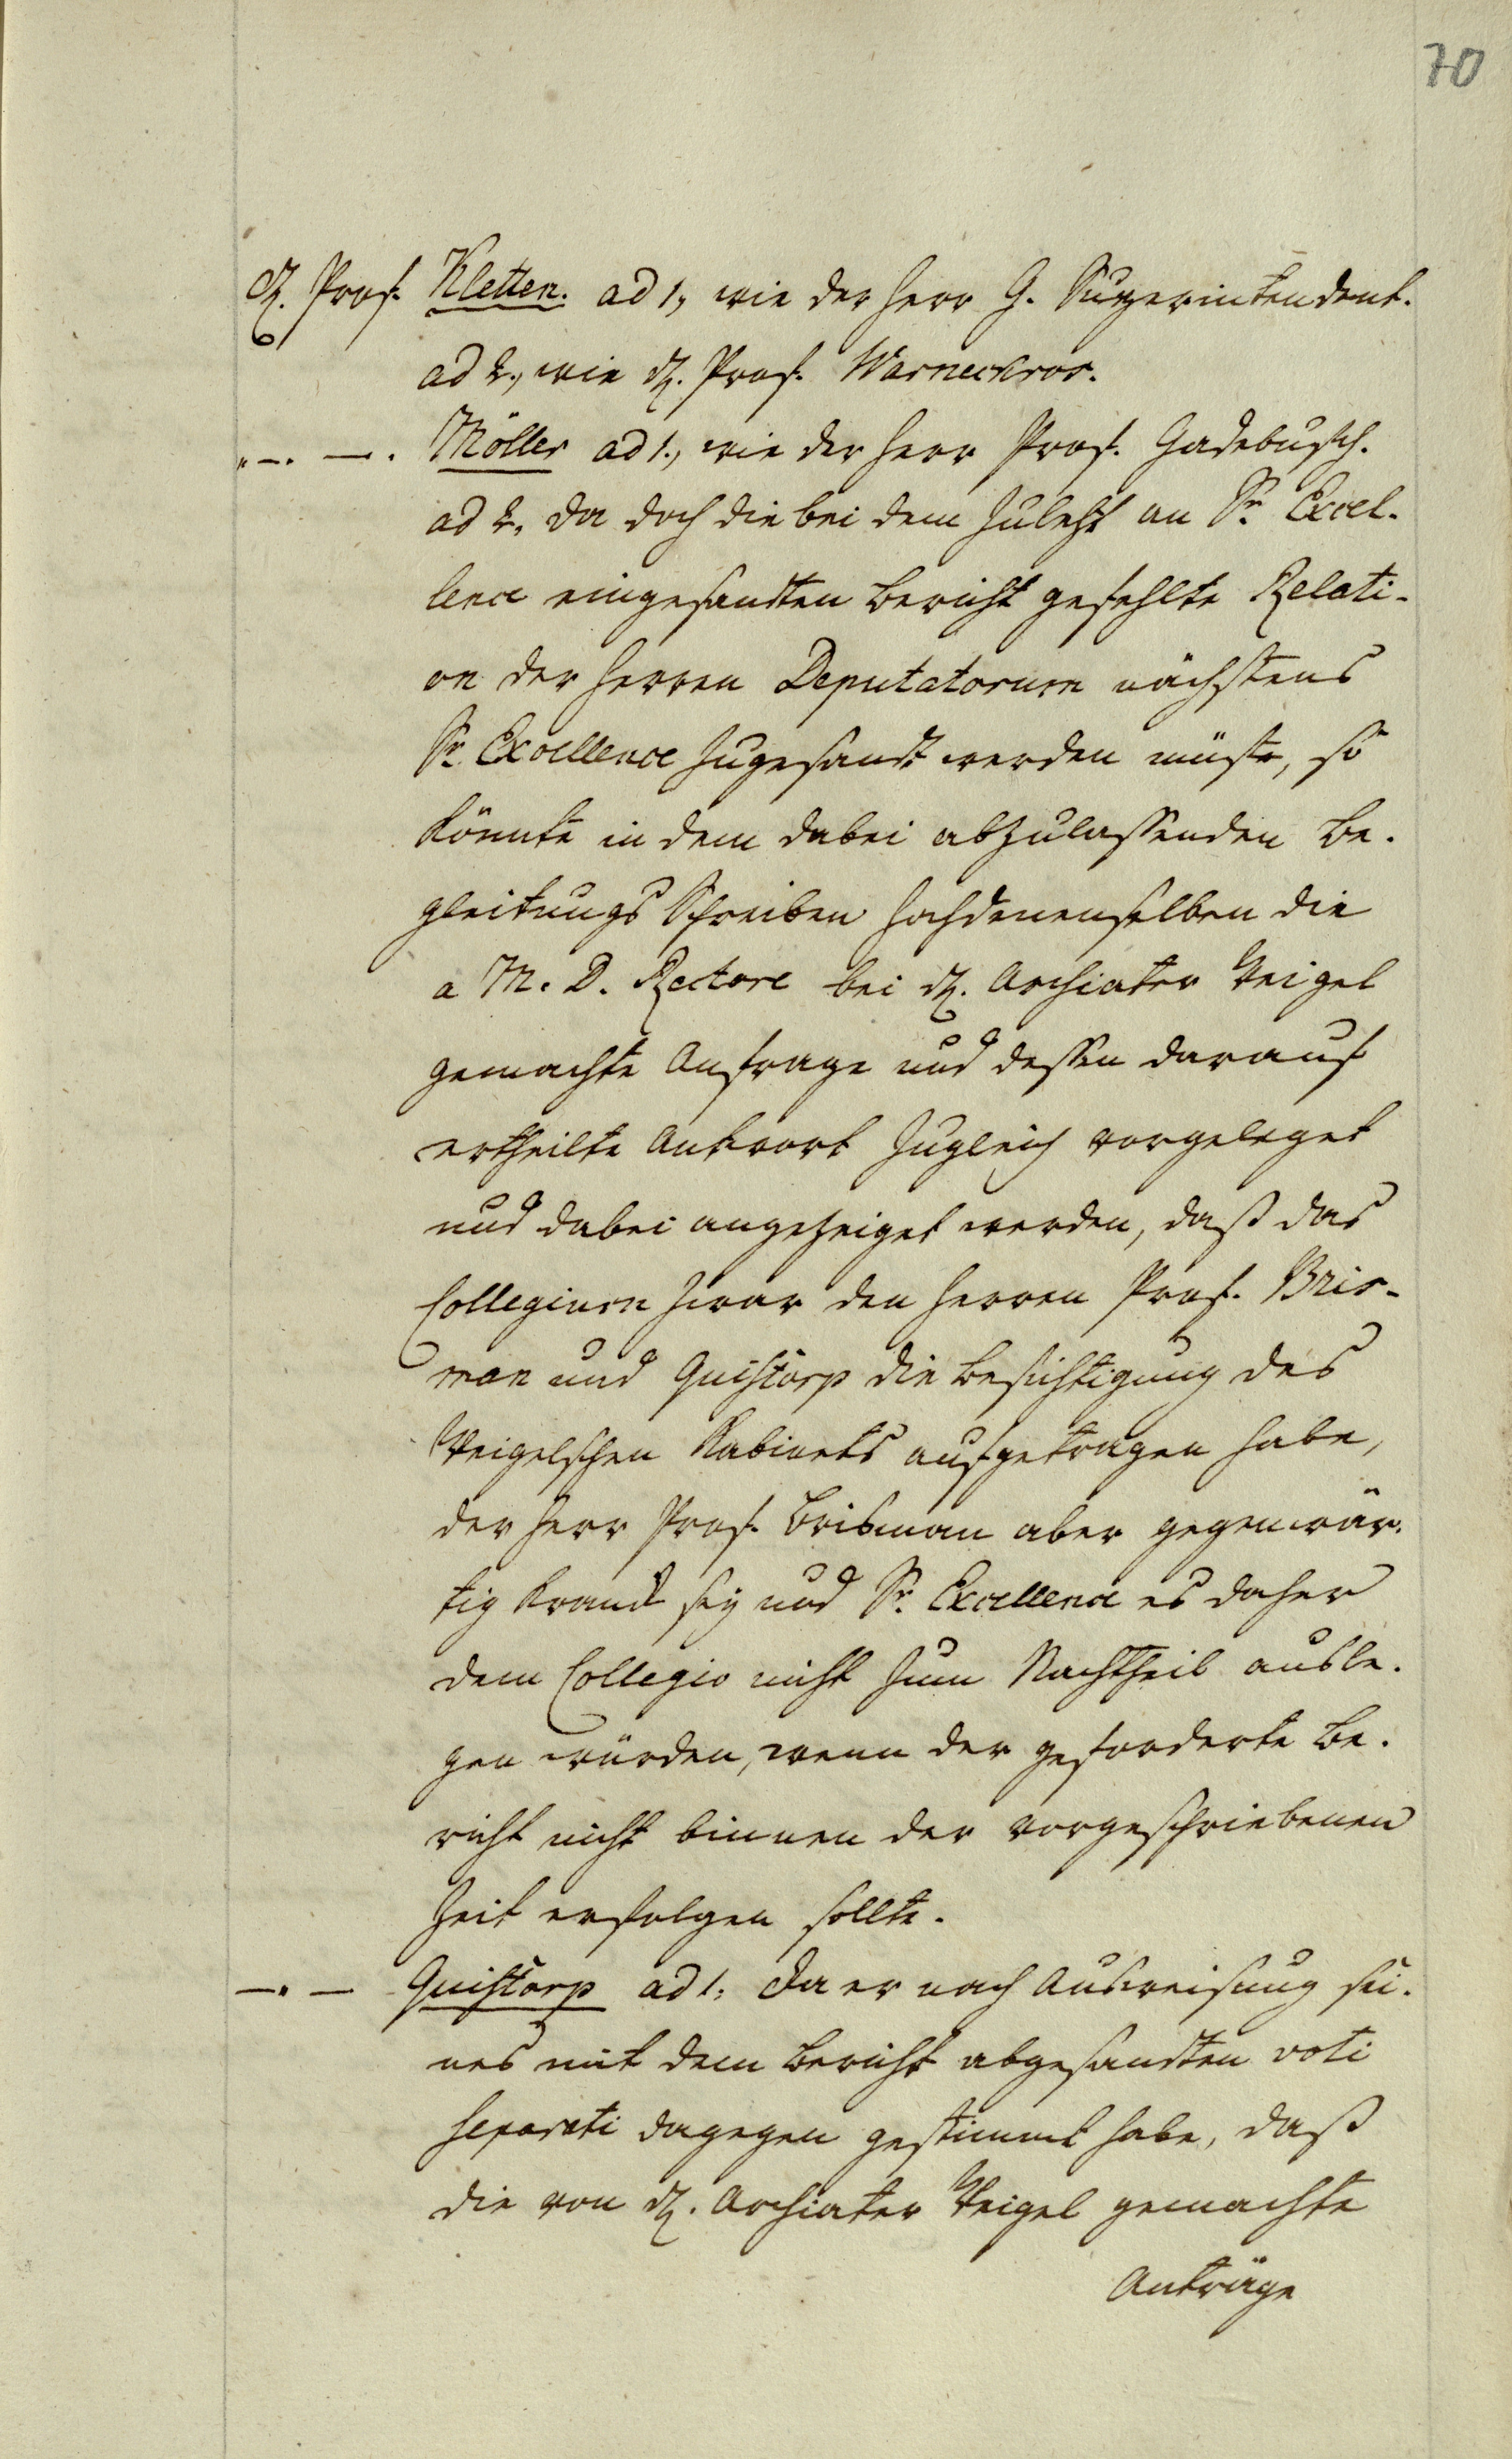dh. Prof. Kletten. ad 1., wie der Herr G. Superintendent.
ad 2., wie dh. Prof. Warneckros.
Möller ad 1., wie der Herr Prof. Gadebusch.
ad 2. Da doch die bei dem zuletzt an Sr Excel¬
lence eingesandten Bericht gefehlte Relati¬
on der Herren Deputatorum nächstens
Sr Excellence zugesandt werden müßte, so
könnte in dem dabei abzulassenden Be¬
gleitungs Schreiben hochdenenselben die
a M. D. Rectore bei dh. Archiater Weigel
gemachte Anfrage und dessen darauf
ertheilte Antwort zugleich vorgeleget
und dabei angezeiget werden daß das
Collegium zwar den Herren Prof. Bris¬
man und Quistorp die Besichtigung des
Weigelschen Kabinets aufgetragen habe,
der Herr Prof. Brisman aber gegenwär¬
tig kanck seÿ und Sr. Excellence es daher
dem Collegio nicht zum Nachtheil ausle¬
gen würden, wenn der geforderte Be¬
richt nicht binnen der vorgeschriebenen
Zeit erfolgen sollte.
Quistorp ad 1. Da er nach Ausweisung sei¬
bes mit dem Bericht abgesandten voti
separati dagegen gestimmt habe, daß
die von dh. Archiater Weigel gemachte
Anträge.